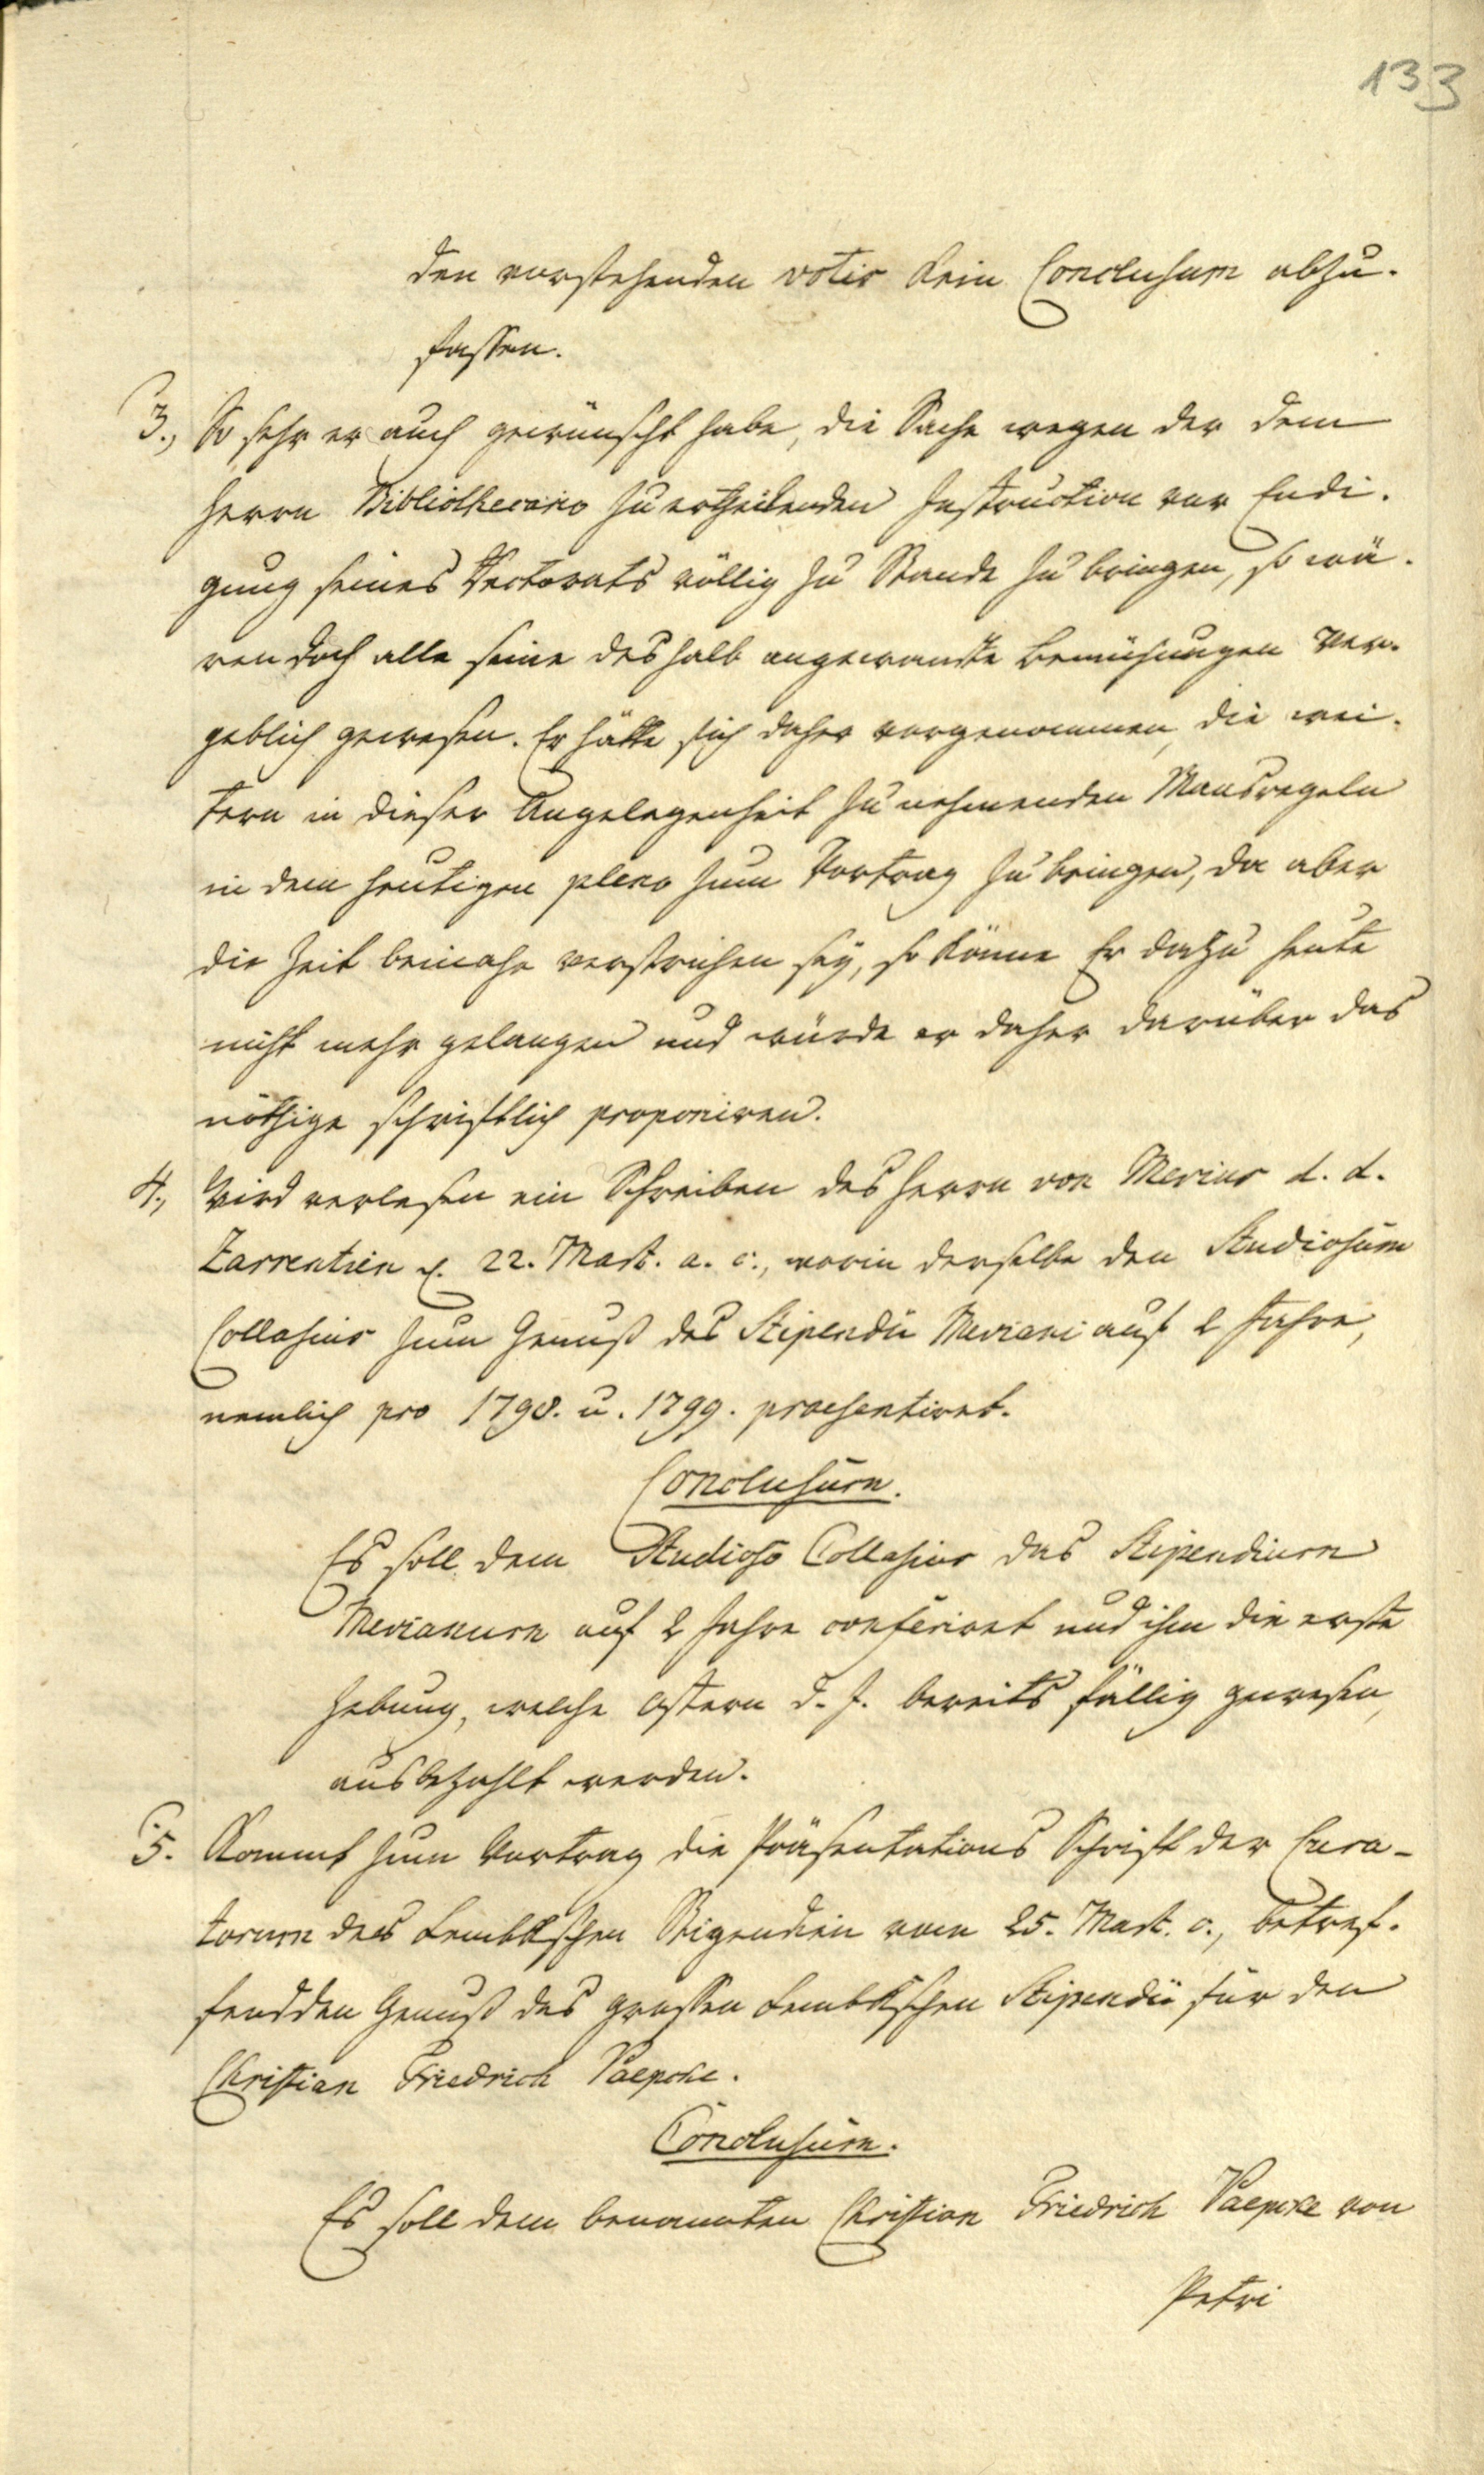den vorstehenden votis kein Conclusum abzu¬
fassen.
3., So sehr er auch gewünscht habe, die Sache wegen der dem
Herrn Bibliothecario zu ertheilenden Instruction vor Endi¬
gung seines Rectorats völlig zu Stande zu bringen, so wä¬
ren doch alle seine deshalb angewandte Bemühungen ver¬
geblich gewesen. Er hätte sich daher vorgenommen, die wei¬
tern in dieser Angelegenheit zu nehmenden Maasregeln
in dem heutigen pleno zum Vortrag zu bringen, da aber
die Zeit beinahe verstrichen seÿ, so könne Er dazu heute
nicht mehr gelangen und würde er daher darüber das
nöthige schriftlich proponiren.
4, Wird verlesen ein Schreiben des Herrn von Mevius d. d.
Zarrentien l. 22. Mart. a. c., worin derselbe den Studiosum
Collasius zum Genuß des Stipendii Meviani auf 2 Jahre,
nemlich pro 1798. u. 1799. praesentiret.
Conclusum.
Es soll dem Studioso Collasius das Stipendium
Mevianum auf 2 Jahre conferiret und ihm die erste
Hebung, welche Ostern d. J. bereits fällig gewesen,
aus bezahlt werden.
5. Kommt zum Vortrag die Präsentations Schrift der Cura¬
torum der Lembkschen Stipendien vom 25. Mart c. betref¬
fend den Genuß des grossen Lembkschen Stipendii für den
Christian Friedrich Paepcke.
Conclusum.
Es soll dem benannten Christian Friedrich Paepcke von
Petri